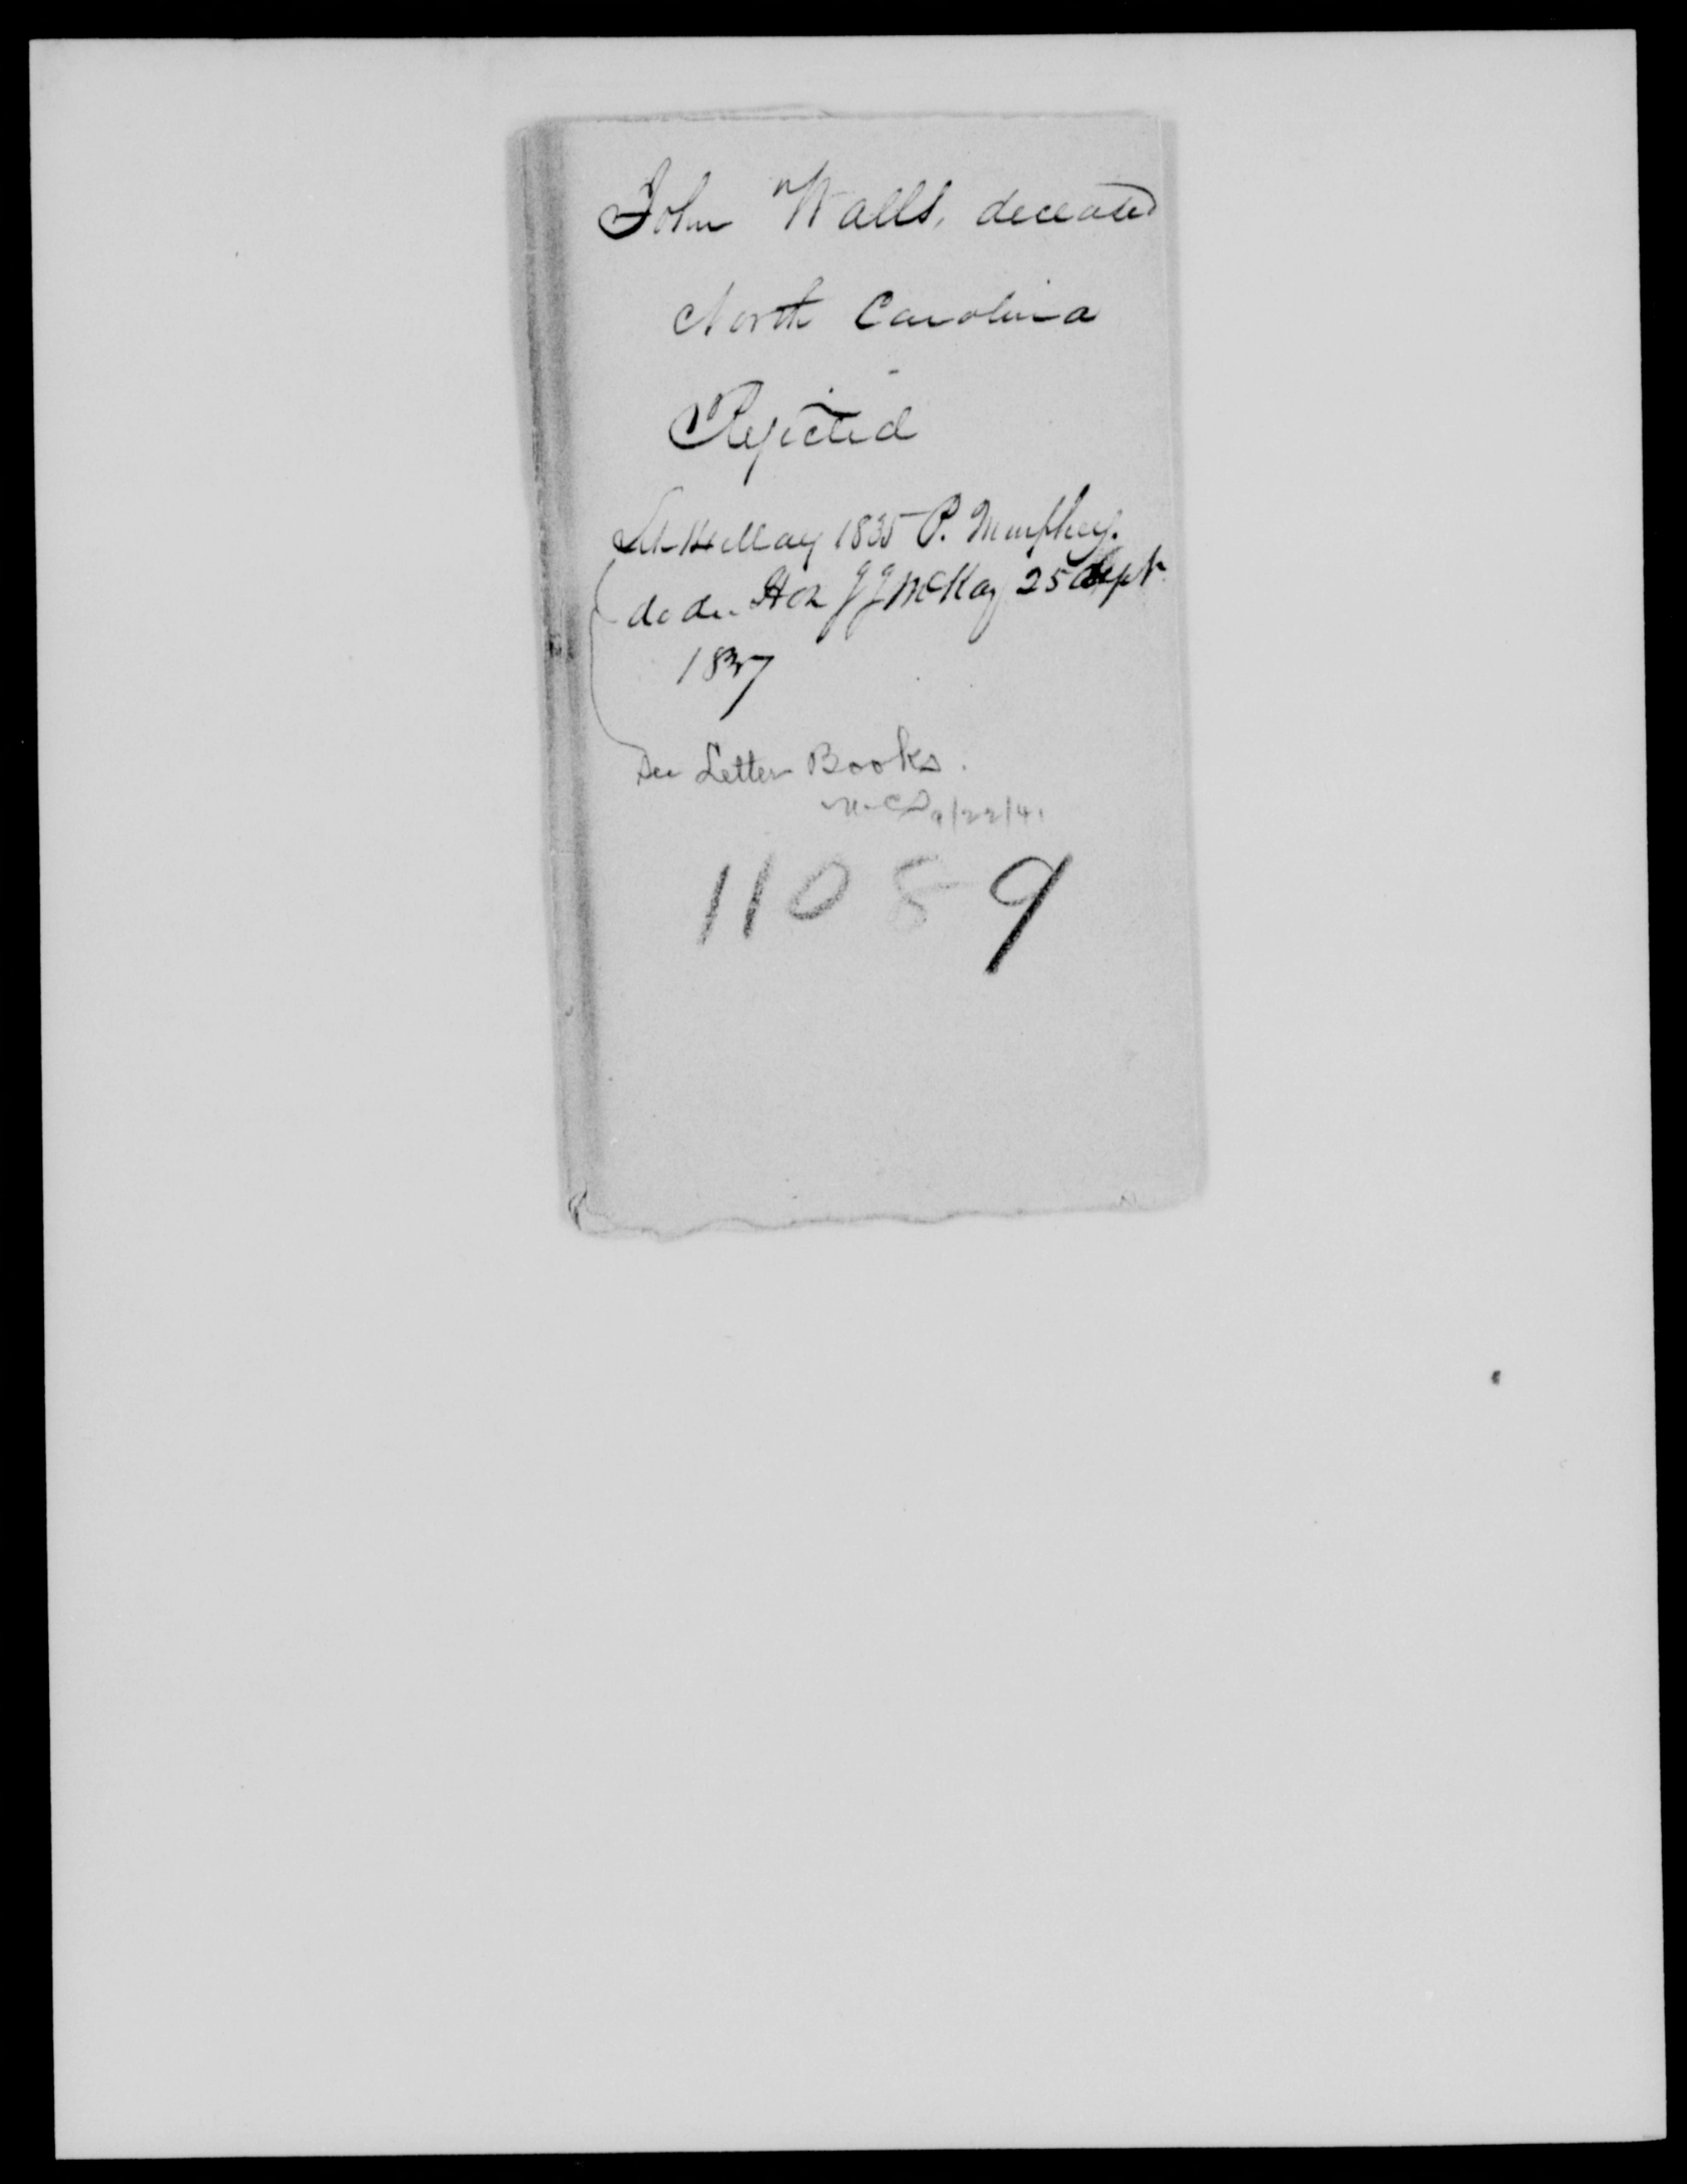John Walls, deceased
North Carolina
Rejected
L. Heallay 1835 P. Murphy.
de du Hon J. J. McKay 25 Sept 1837

See Letter Books
McD 9/22/41
11089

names: J J Mc Kay, John Walls, P Murphey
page: 7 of 11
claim: rejected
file: R. 11089, John Wall, Va.